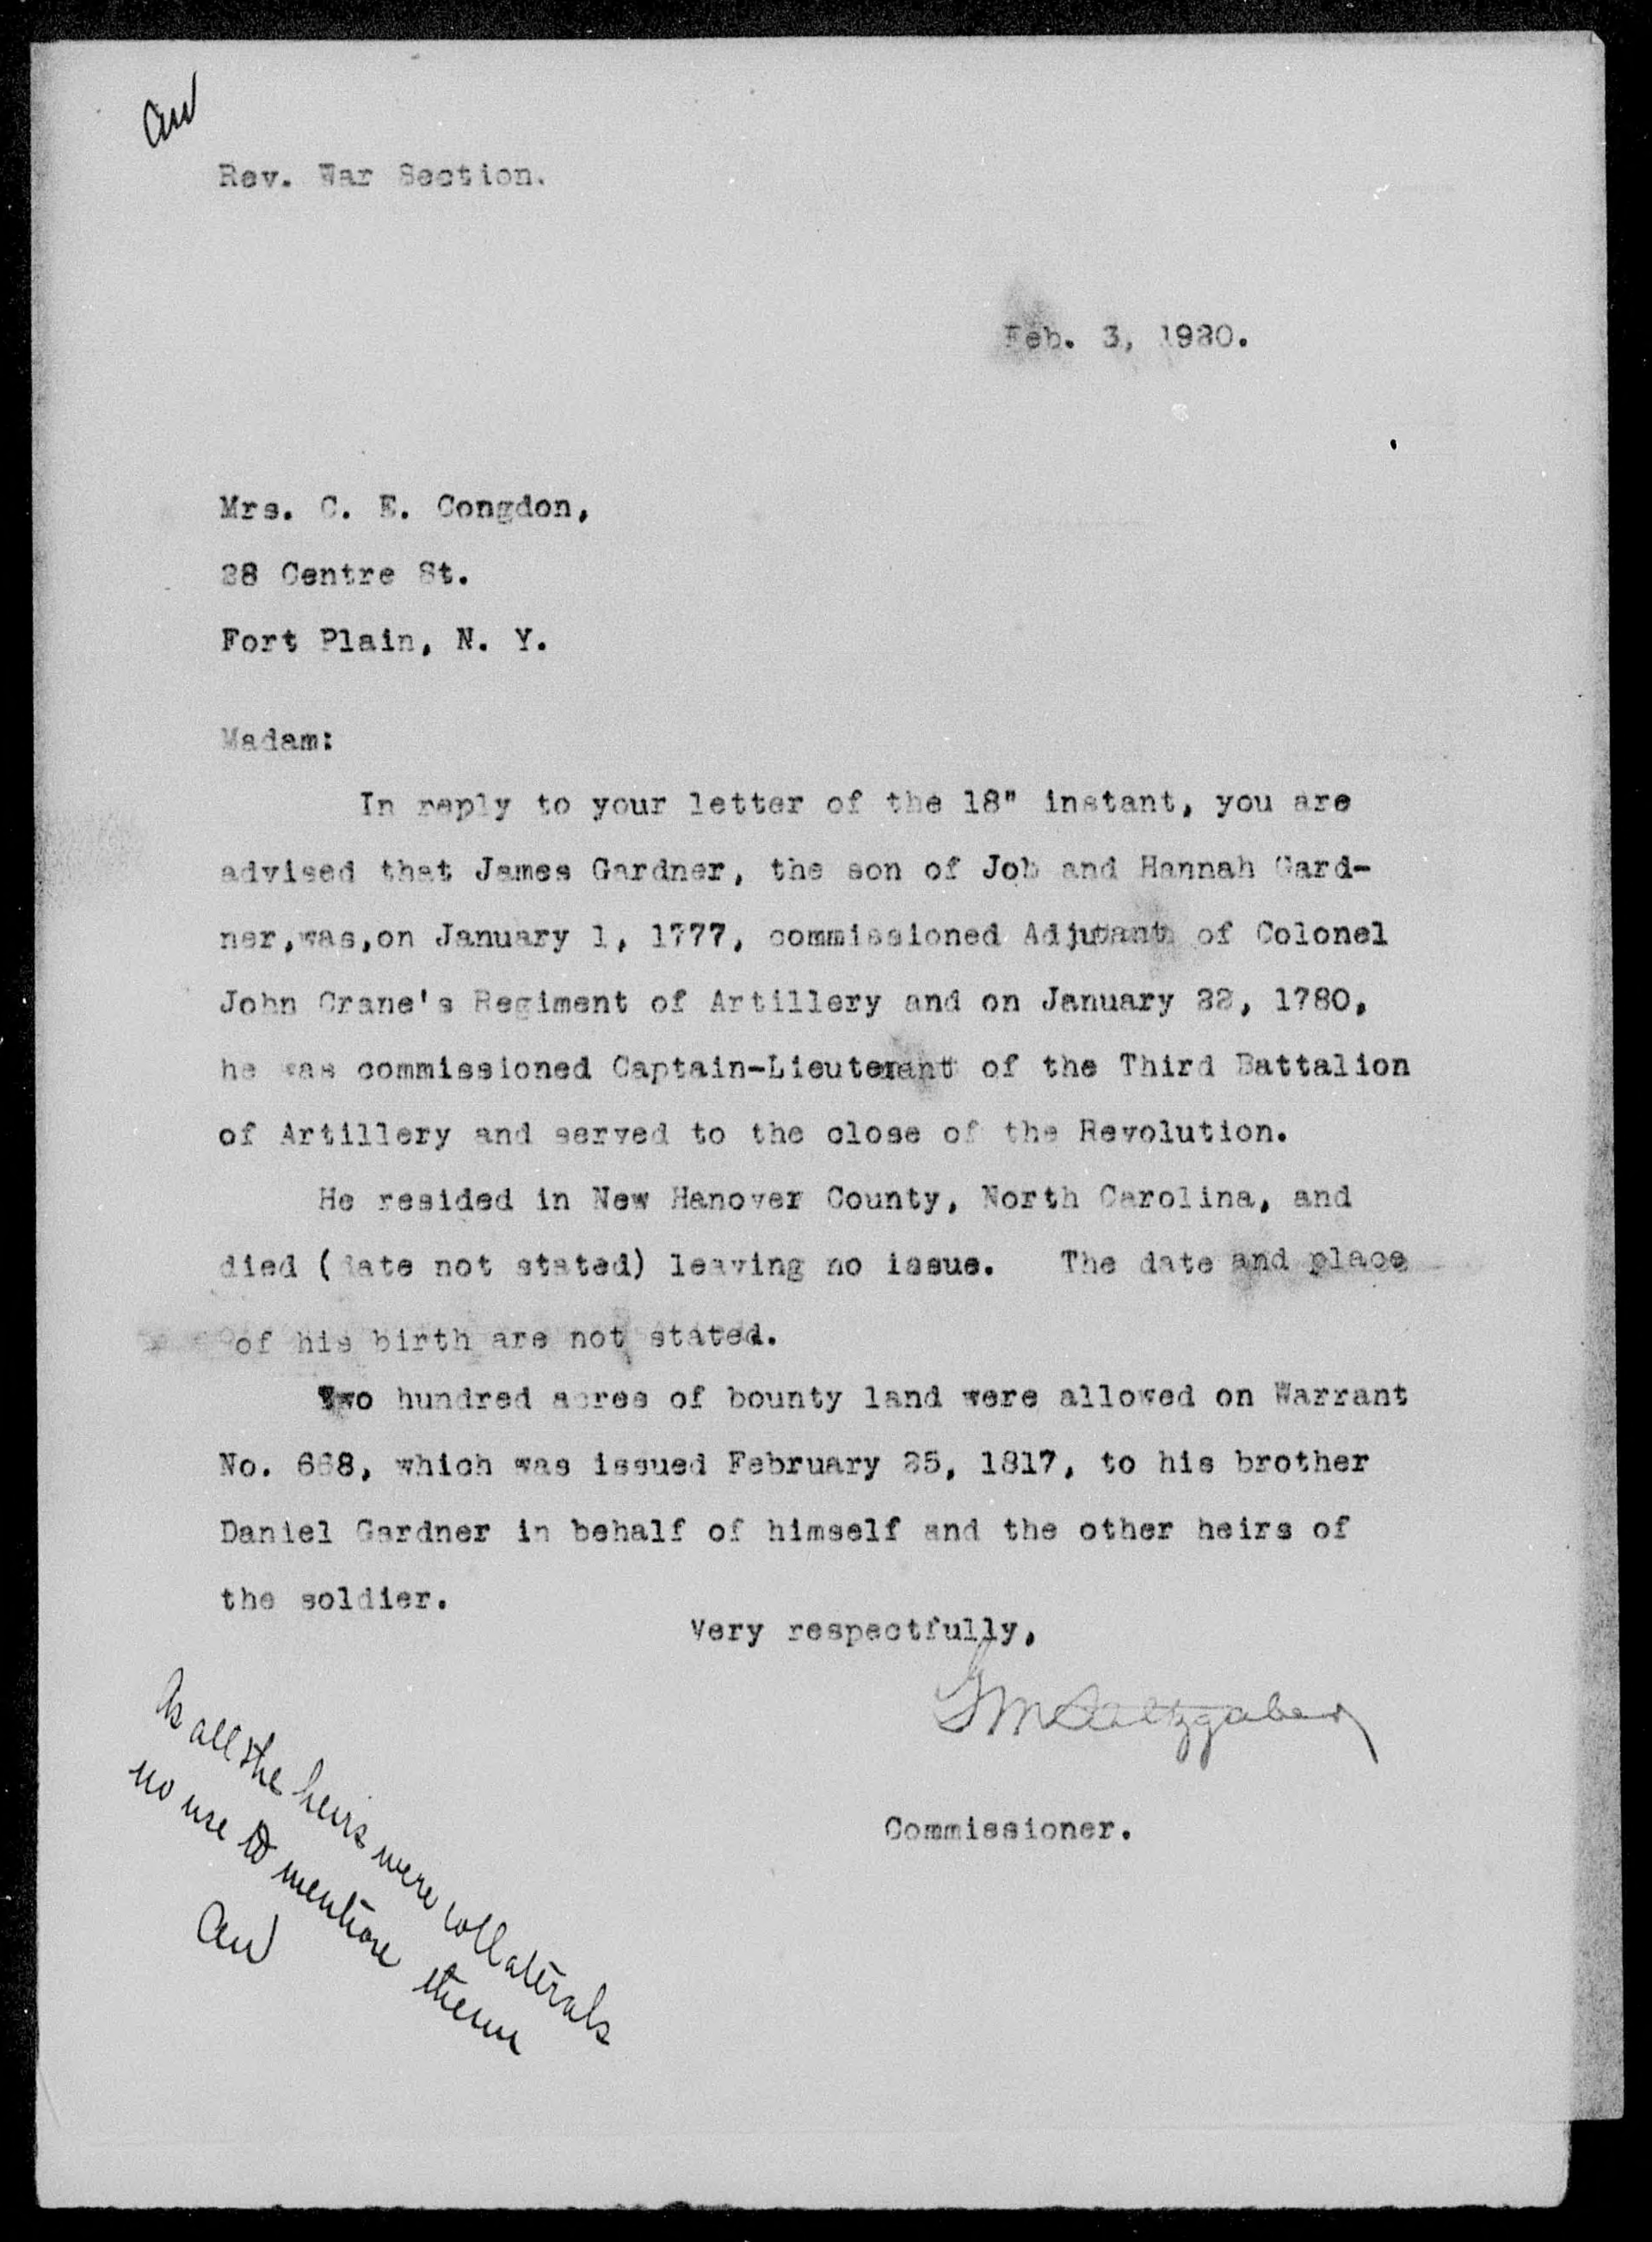AW [handwritten initials]
Rev. War Section

Feb. 3,1920. 

Mrs. C. E. Congdon,
28 Centre St.
Fort Plain, N.Y.

Madam:

In reply to your letter of the 18" instant, you are advised that James Gardner, the son of Job and Hannah Gardner, was, on January 1, 1777, commissioned Adjutant of Colonel John Crane's Regiment of Artillery and on January 22, 1780, he was commissioned Captain-Lieutenant of the Third Battalion of Artillery and served to the close of the Revolution.

He resided in New Hanover County, North Carolina, and died (date not stated) leaving no issue.  The date and place of his birth are not stated.

Two hundred acres of bounty land were allowed on Warrant No. 668, which was issued February 25, 1817, to his brother Daniel Gardner in behalf of himself and the other heirs of the soldier.

Very respectfully,
G.M. Saltzgaber {signature}
Commissioner

[Handwritten note:] As all the heirs were collaterals no use to mention them 
AW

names: G M Saltzgaber, James Gardner, Job Gardner, C E Congdon, Daniel Gardner, Hannah Gardner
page: 16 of 18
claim: bounty land warrant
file: B. L. Wt. 668-200, James Gardner, Continental Artillery Parents Of N.Y.